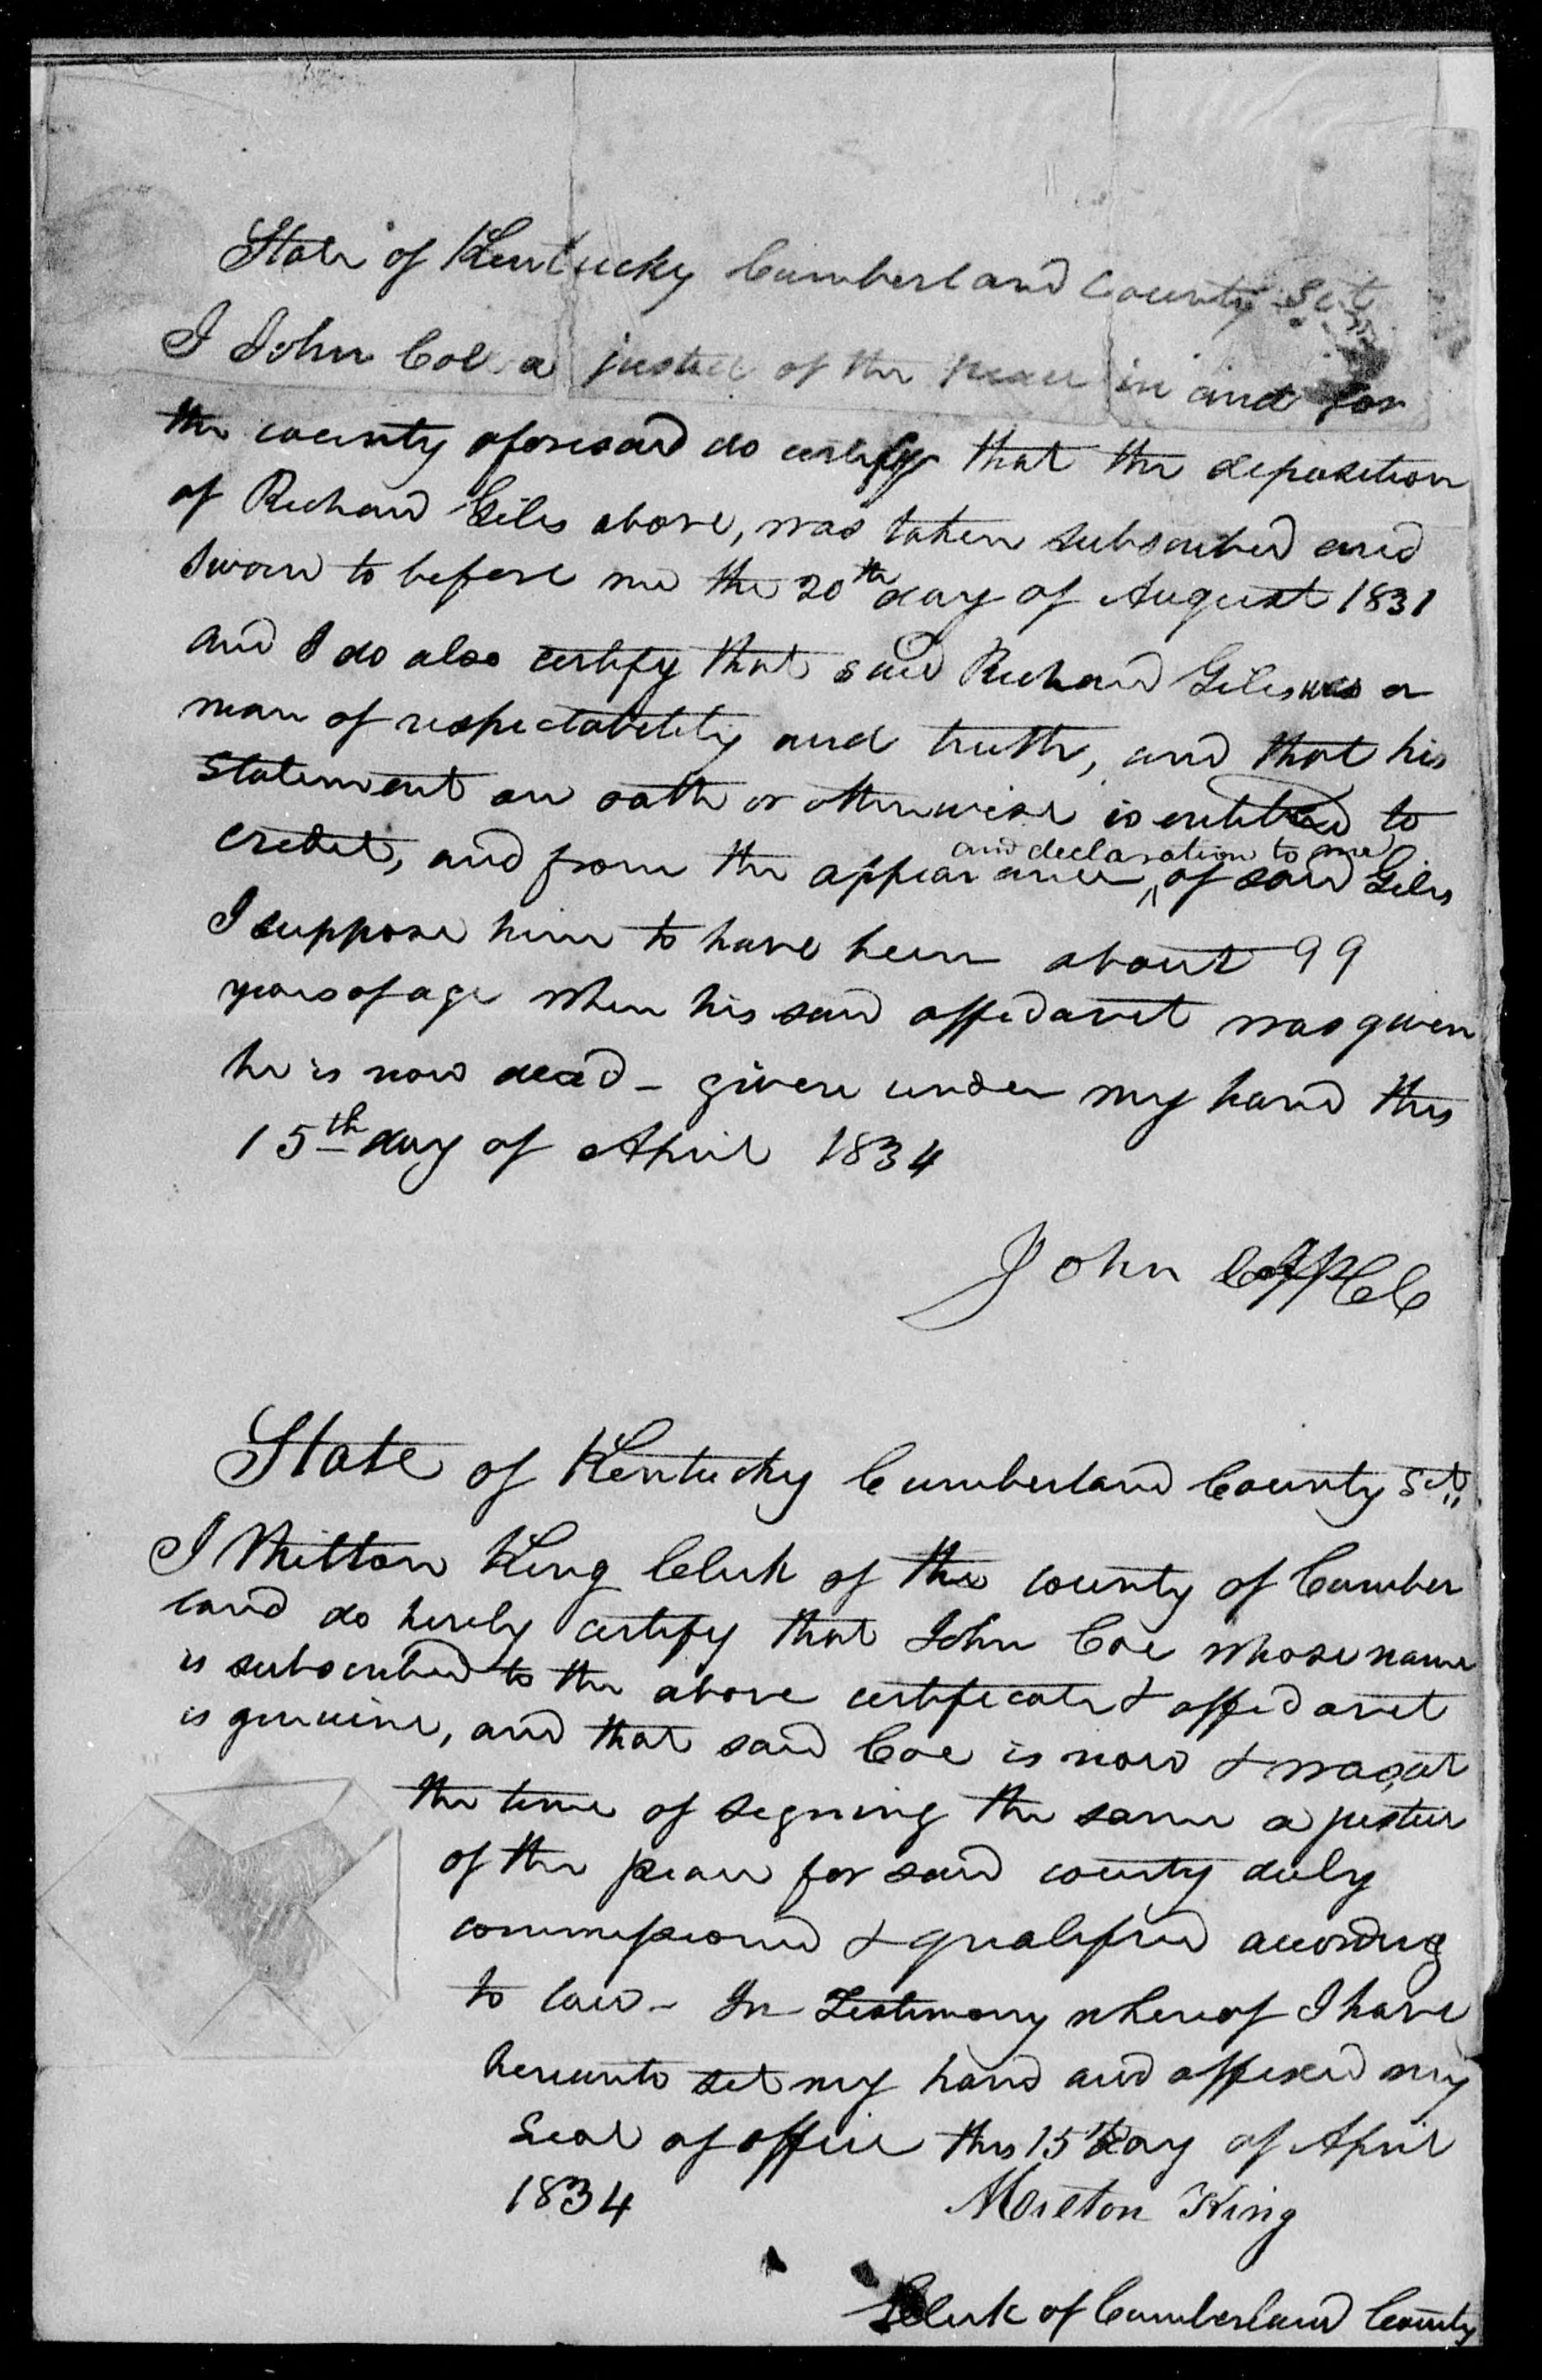State of Kentucky Cumberland County Sct.
I John Coe a justice of the peace in and for the county aforesaid do certify that the deposition of Richard Giles above, was taken subscribed and sworn to before me the 20th day of August 1831 and I do also certify that said Richard Giles was a man of respectability and truth, and that his statement on oath or otherwise is entitled to credit, and from the appearance and declaration to me of said Giles I suppose him to have been about 99 years of age when his said affidavit was given he is now dead - given under my hand this 15th day of April 1834
John Coe JPCC

State of Kentucky Cumberland County Sct
I Milton King Clerk of the county of Cumberland do hereby certify that John Coe whose name is subscribed to the above certificate & affidavit is genuine, and that said Coe is now & was at the time of signing the same a justice of the peace for said county duly commissioned & qualified according to law - In testimony whereof I have hereunto set my hand and affixed my seal of office this 15th day of April 1834
Milton King
Clerk of Cumberland County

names: John Coe, Coe, John Coe, John Coe, Giles, Milton King, Richard Giles, Richard Giles, Milton King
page: 62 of 82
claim: widow's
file: W. 7,522, John Giles, N.C.